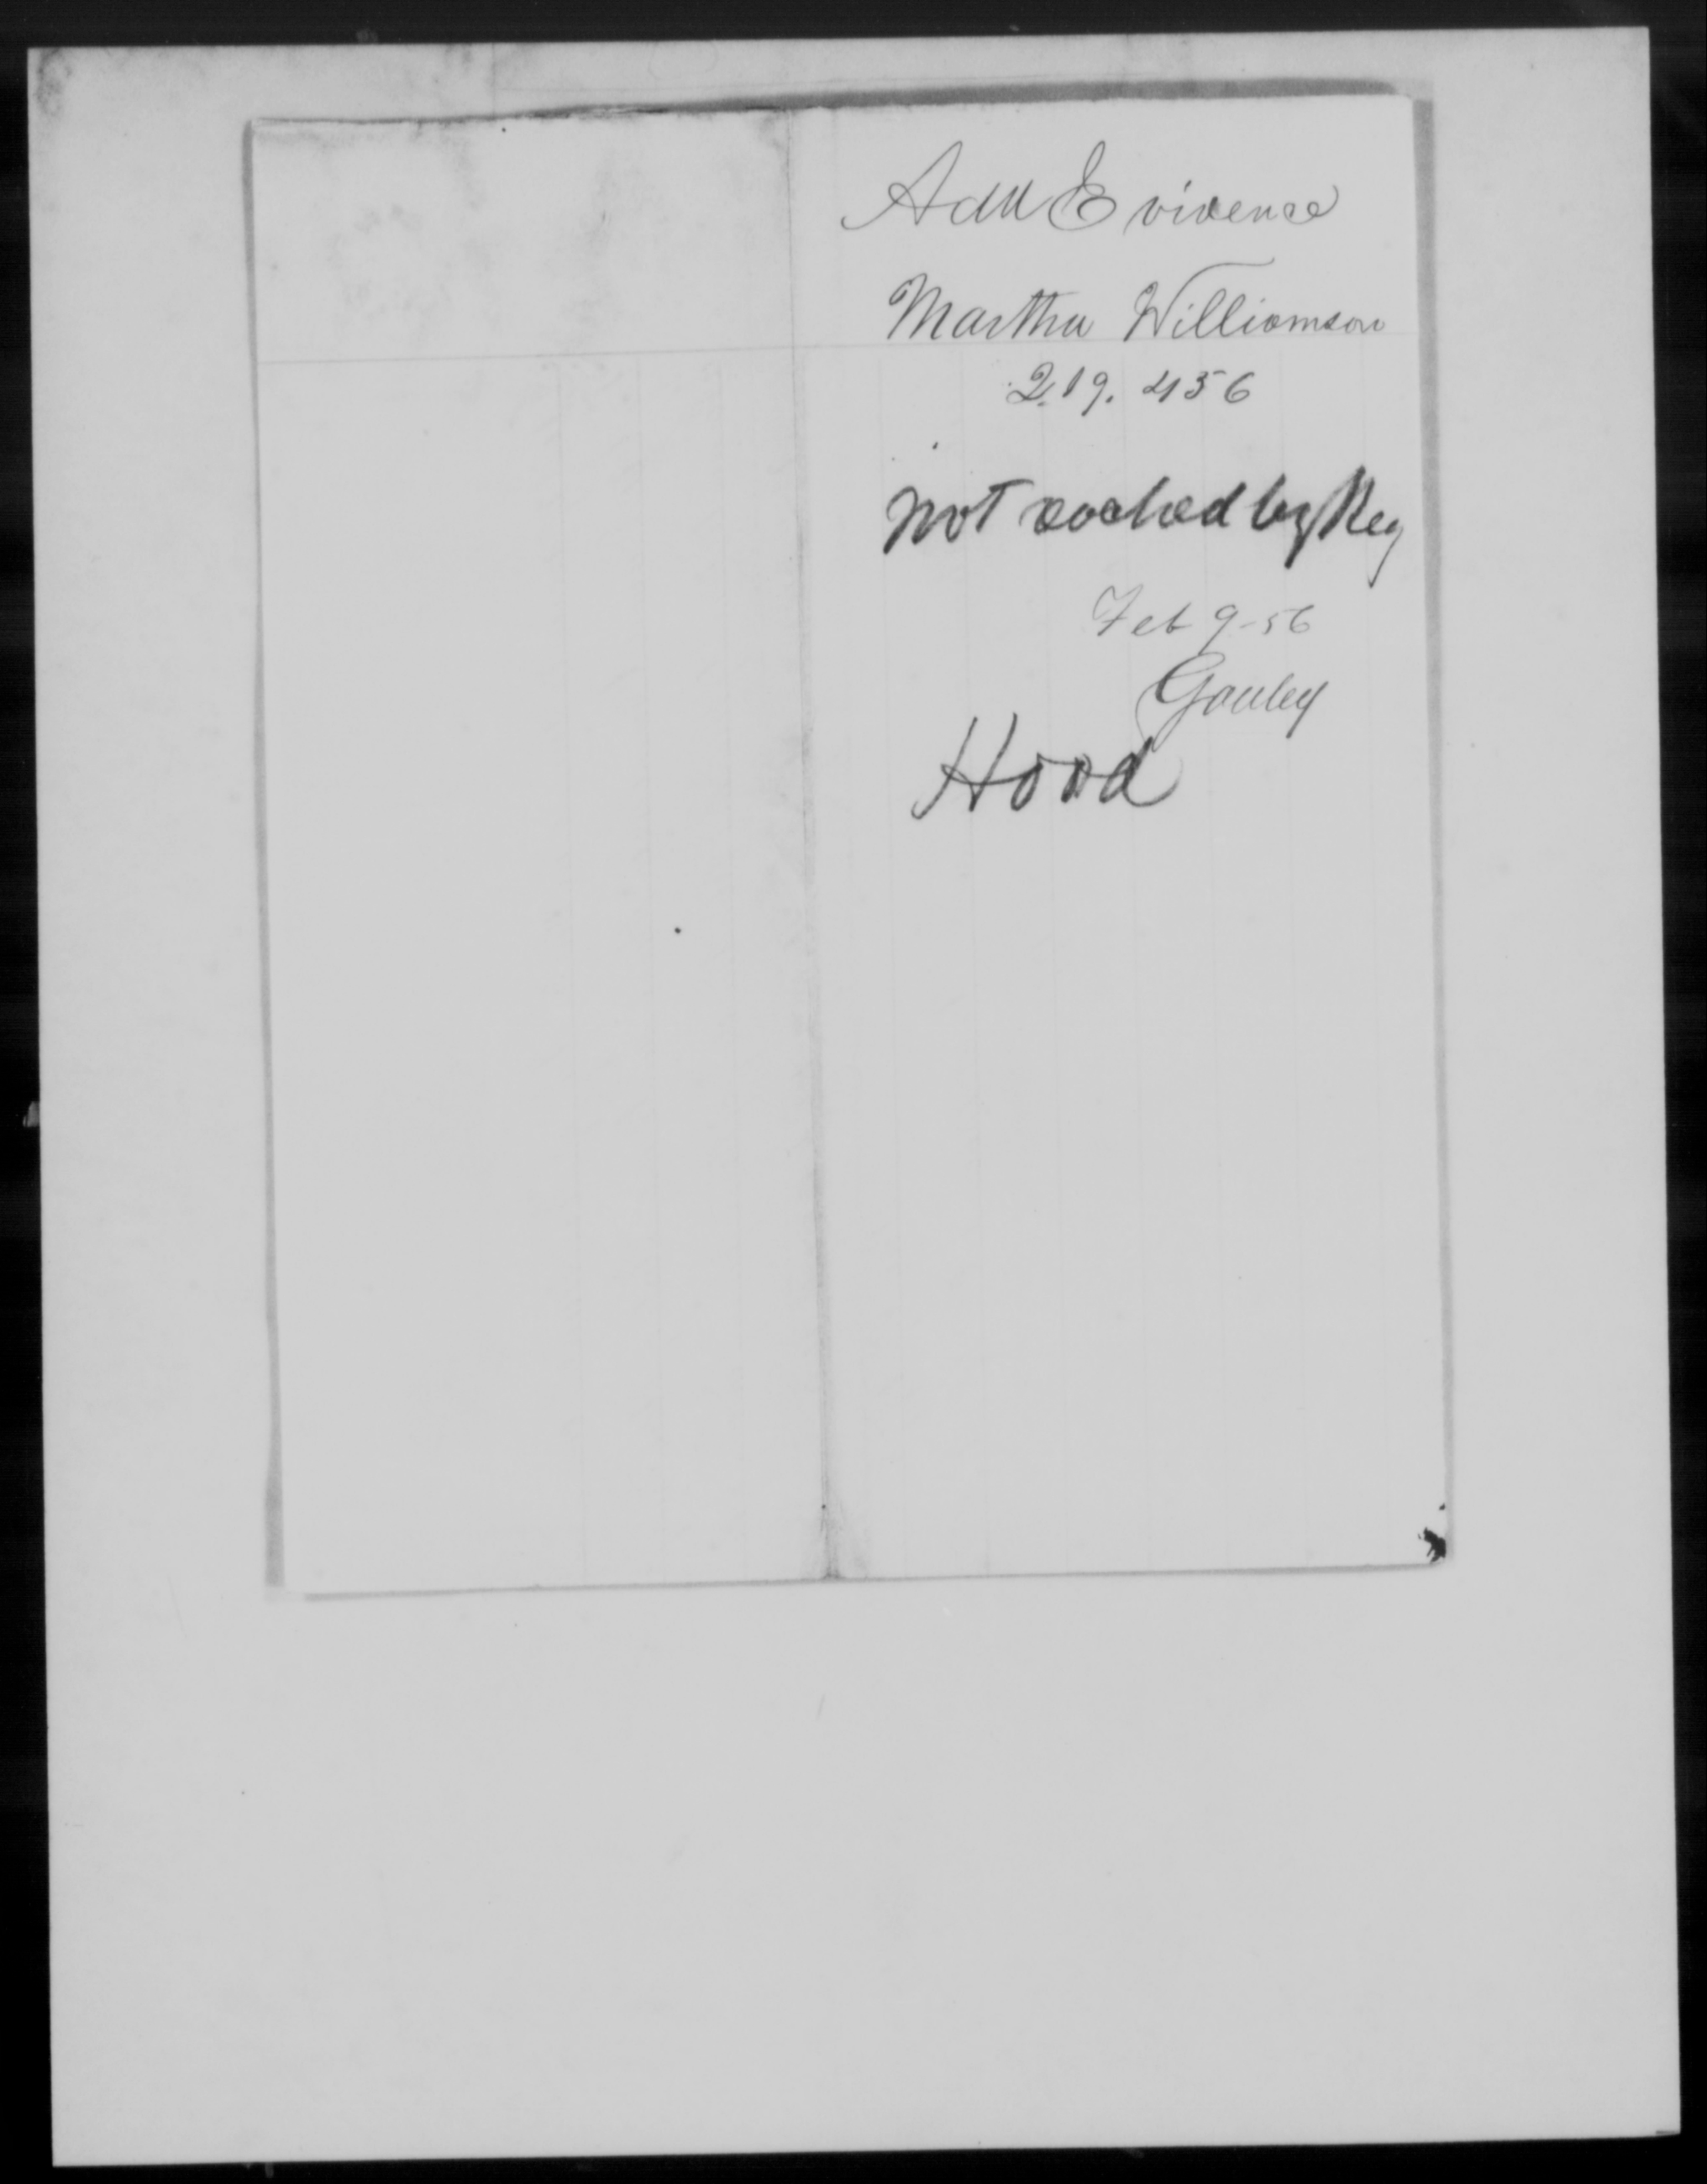Adm(itted) evidence.
Martha Williamson
219,456

Not backed by reg(ulations)
Feb. 9, '56
Gravley

Hood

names: Martha Williamson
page: 43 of 67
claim: widow's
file: W. 2393, Jacob Williamson, New Jersey